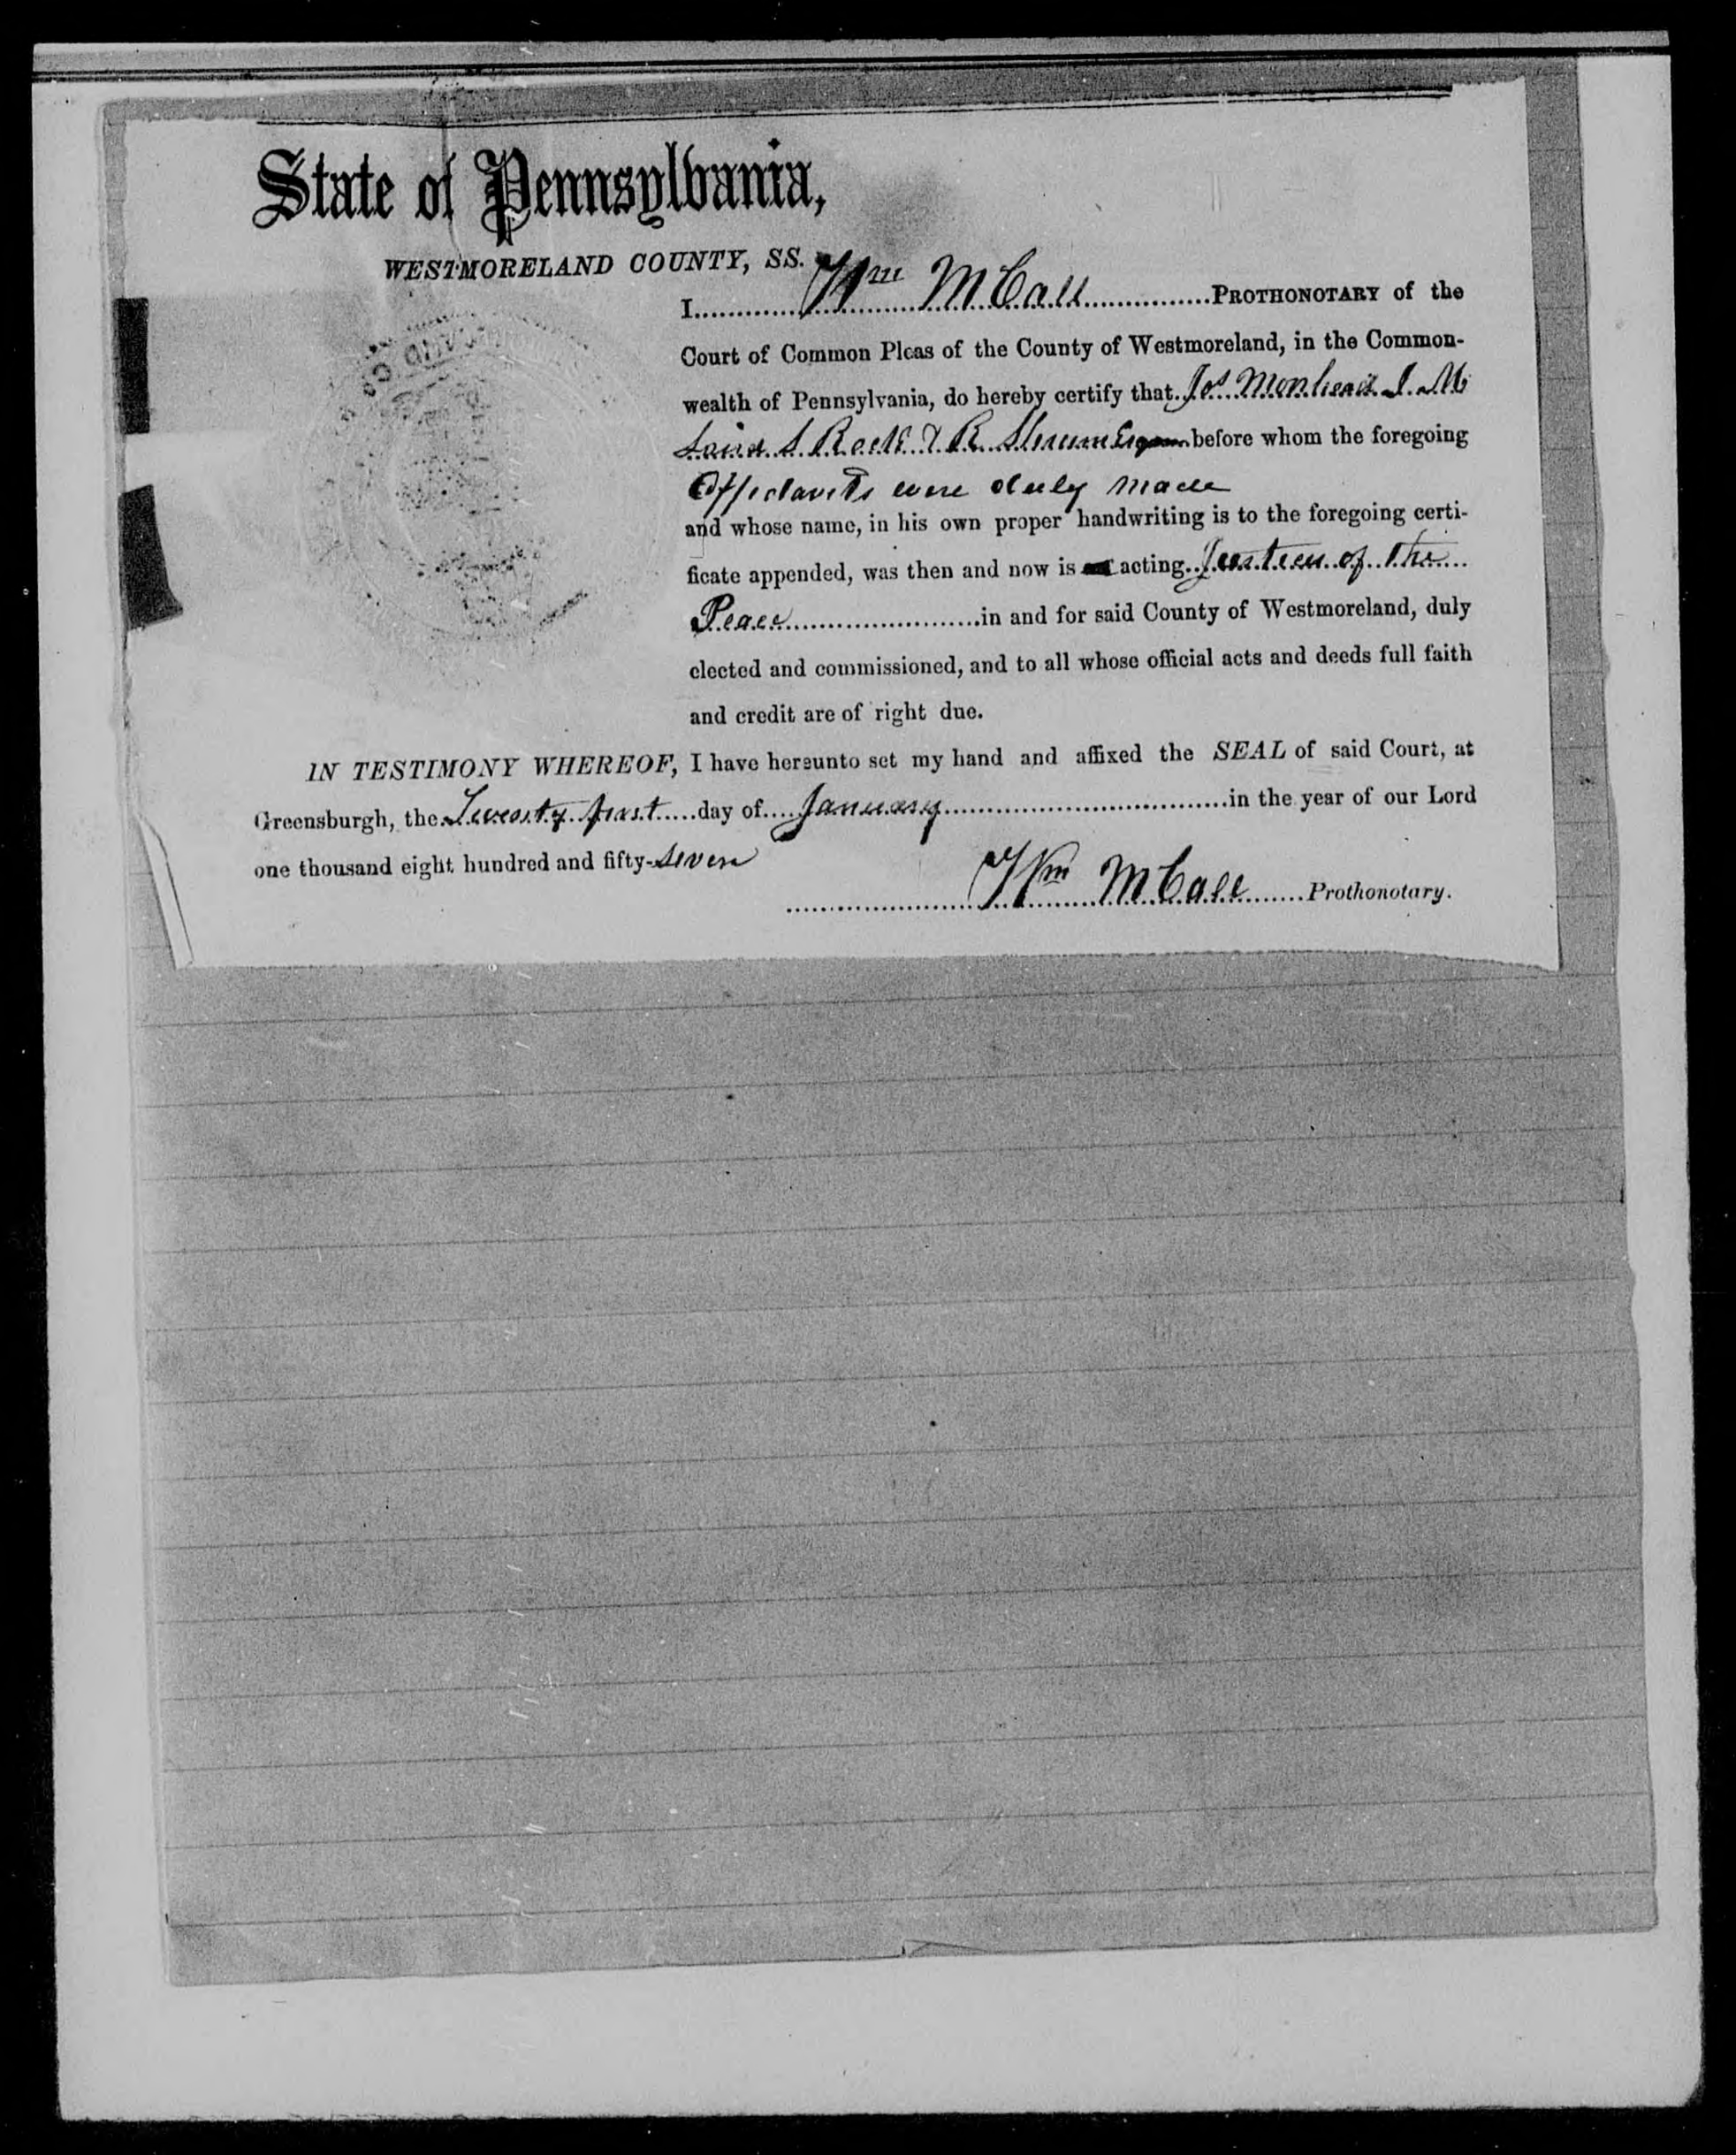State of Pennsylvania,
Westmore County, SS.
[county seal]
I Wm. McCall prothonotary of the Court of Common Pleas of the County of Westmoreland, in the Commonwealth of Pennsylvania, do hereby certify that Jos. Moorhead, J.M. Laird, S Rock & R. Sherman, Esq. before whom the foregoing affidavits were freely made and whose name, in his own proper handwriting is to the foregoing certificate appended, was then and now is acting Justices of the Peace in and for said County of Westmoreland, duly elected and commissioned, and to all whose official acts and deeds full faith acts and deeds full faith and credit are of right due.
In testimony whereof, I have hereunto set my hand and affixed the seal of Court, at Greensburgh, the Twenty first day of January in the year of our Lord one thousand eight hundred and fifty-seven
Wm. McCall  Prothonotary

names: J M Laird, R Shrum, Wm Mc Call, S Rock, Wm Mc Call, Jos Moorhead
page: 60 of 92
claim: widow's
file: W 1173, Robert Hamill, Penn.